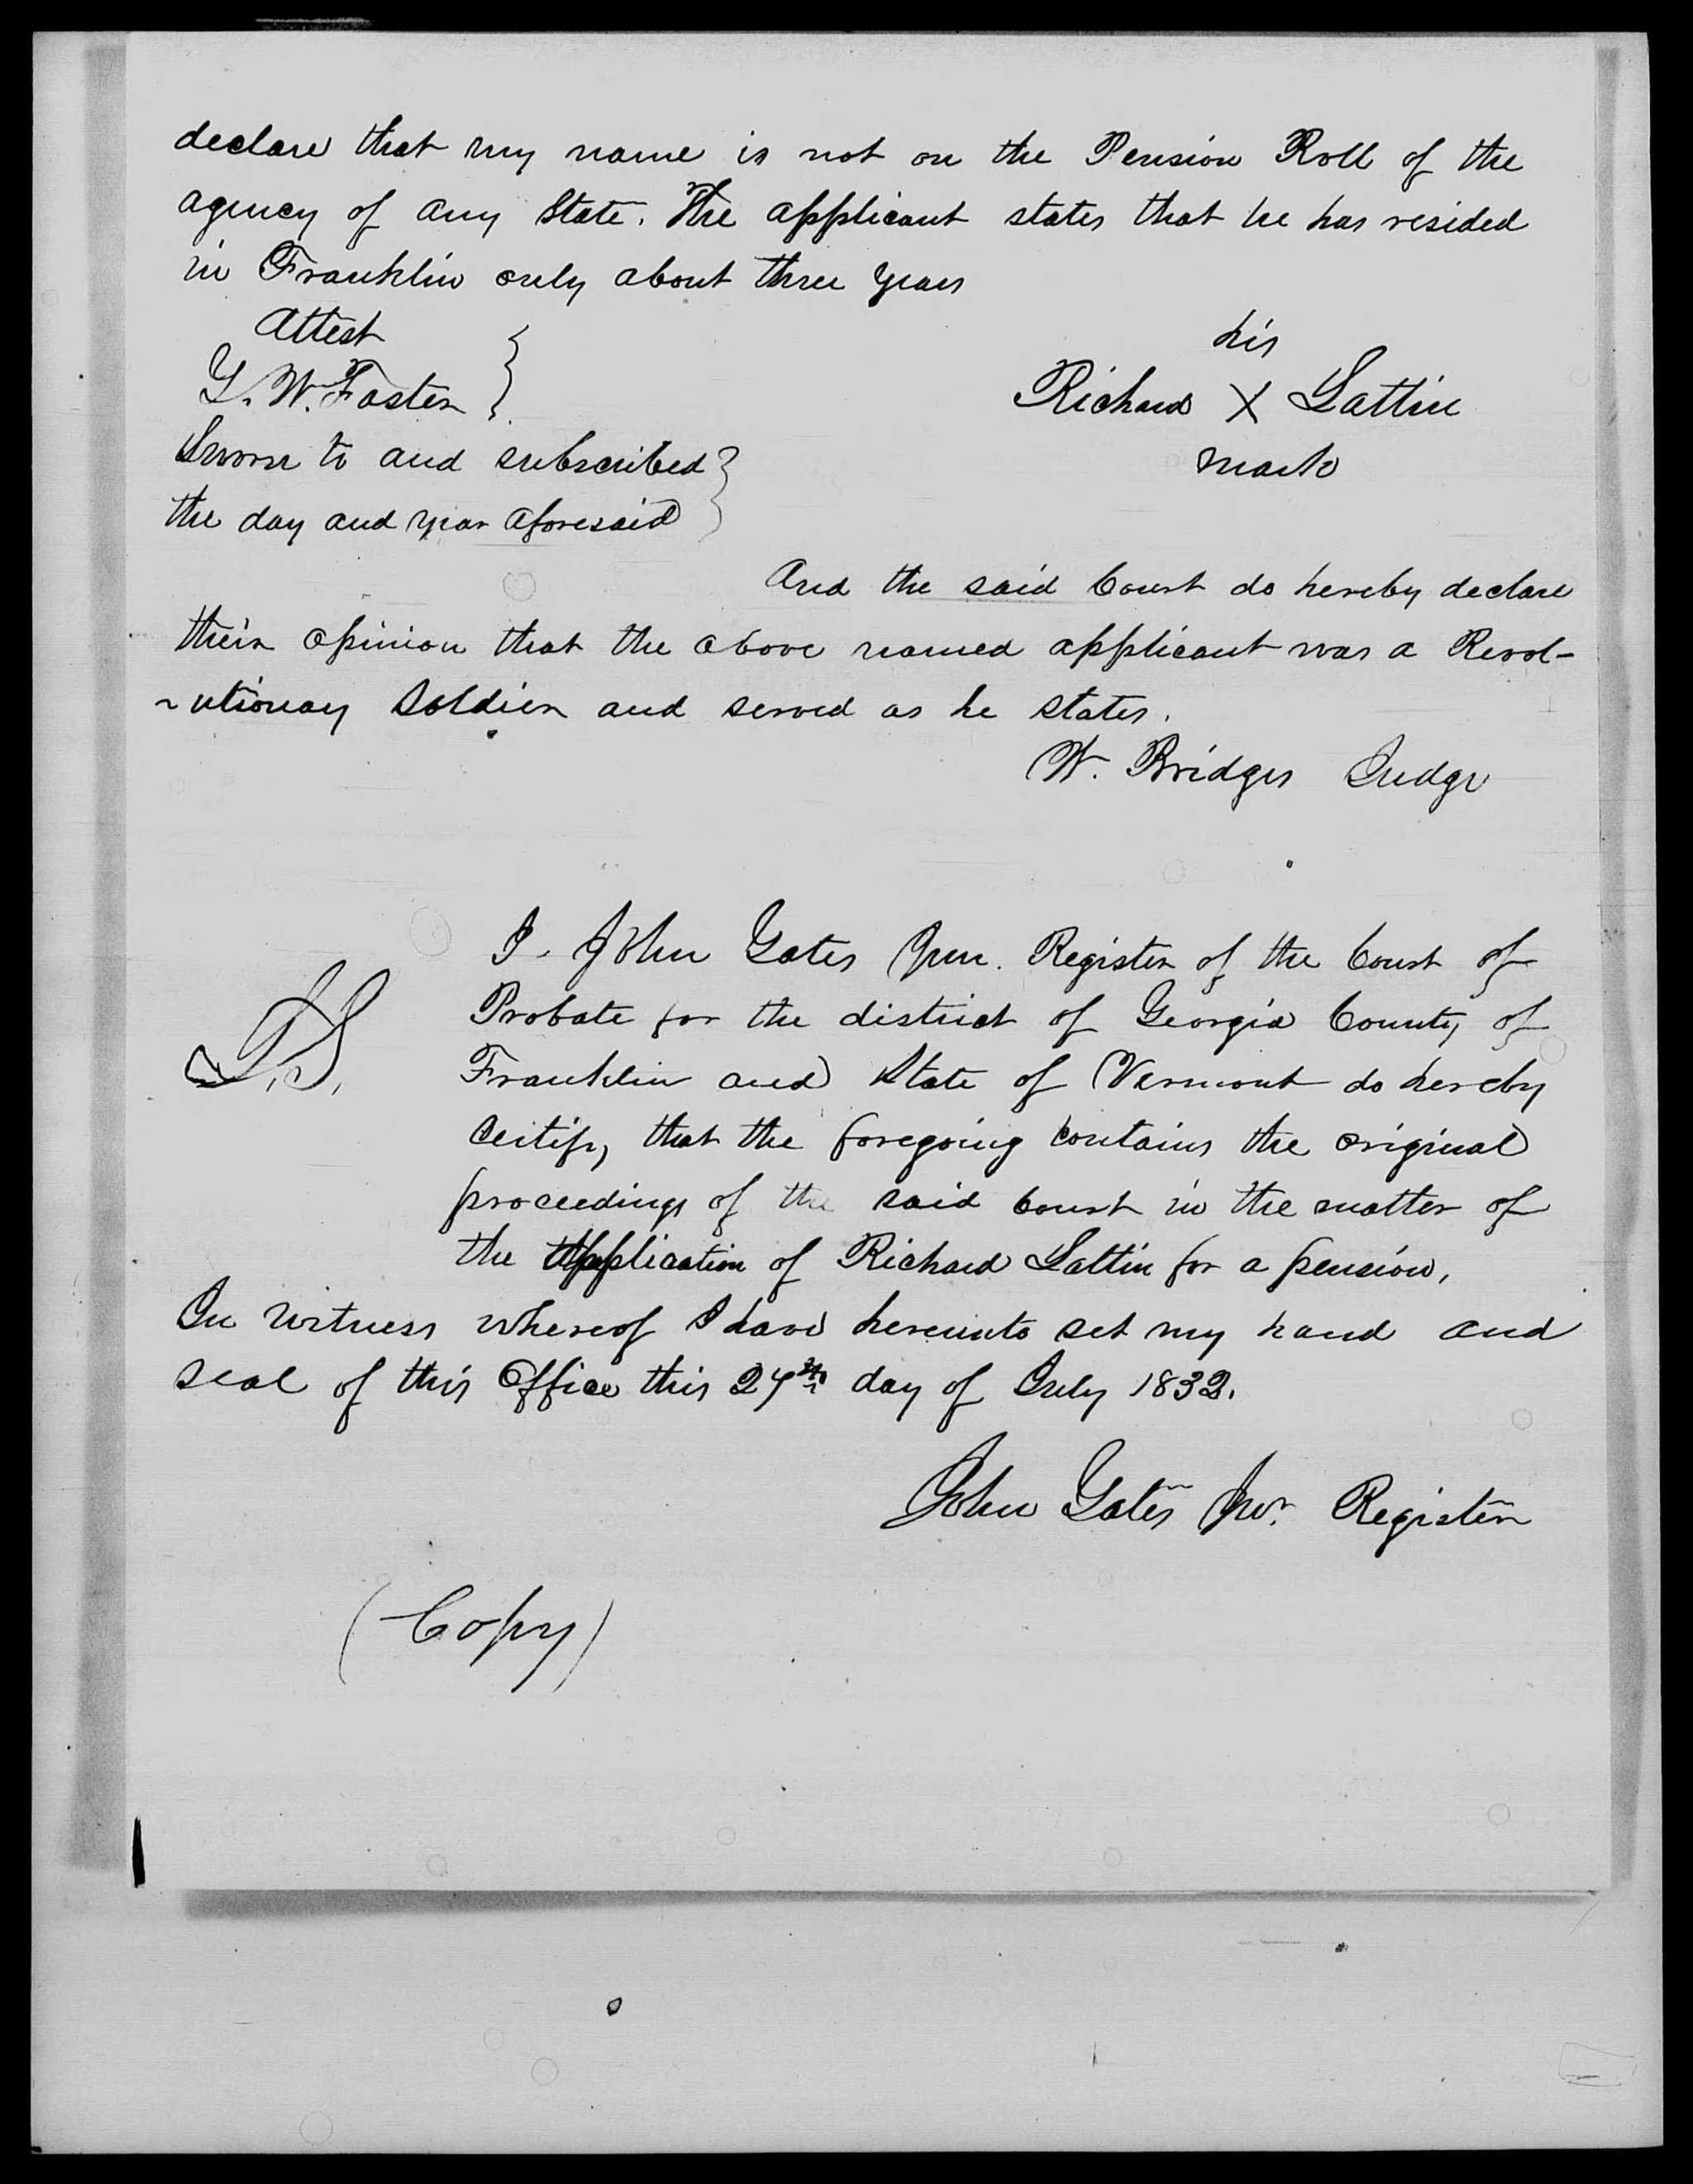declare that my name is not on the Pension Roll of the agency of any State.  The applicant states that he has resided in Franklin only about three years
              his
Richard  X  Lattin
             mark
Attest           }
G. W. Foster }
Sworn to and subscribed     }
the day and year aforesaid   }
And the said Court do hereby declare their opinion that the above named applicant was a Revolutionary Soldier and served as he states.
W. Bridges Judge

SS.  I John Gates Gen. Register of the Court of Probate for the district of Georgia County of Franklin and State of Vermont do herby certify that the foregoing contains the original proceedings of the said Court in the matter of the application of Richard Lattin for a pension.
In witness whereof I have hereunto set my hand and seal of this Office this 27th [possibly 24th] day of July 1832.
John Gates  Genr. Register

(Copy)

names: W Bridges; G W Foster; John Gates; Richard Lattin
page: 95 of 99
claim: widow's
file: W. 24,482, for Richard Lattin, Vermont